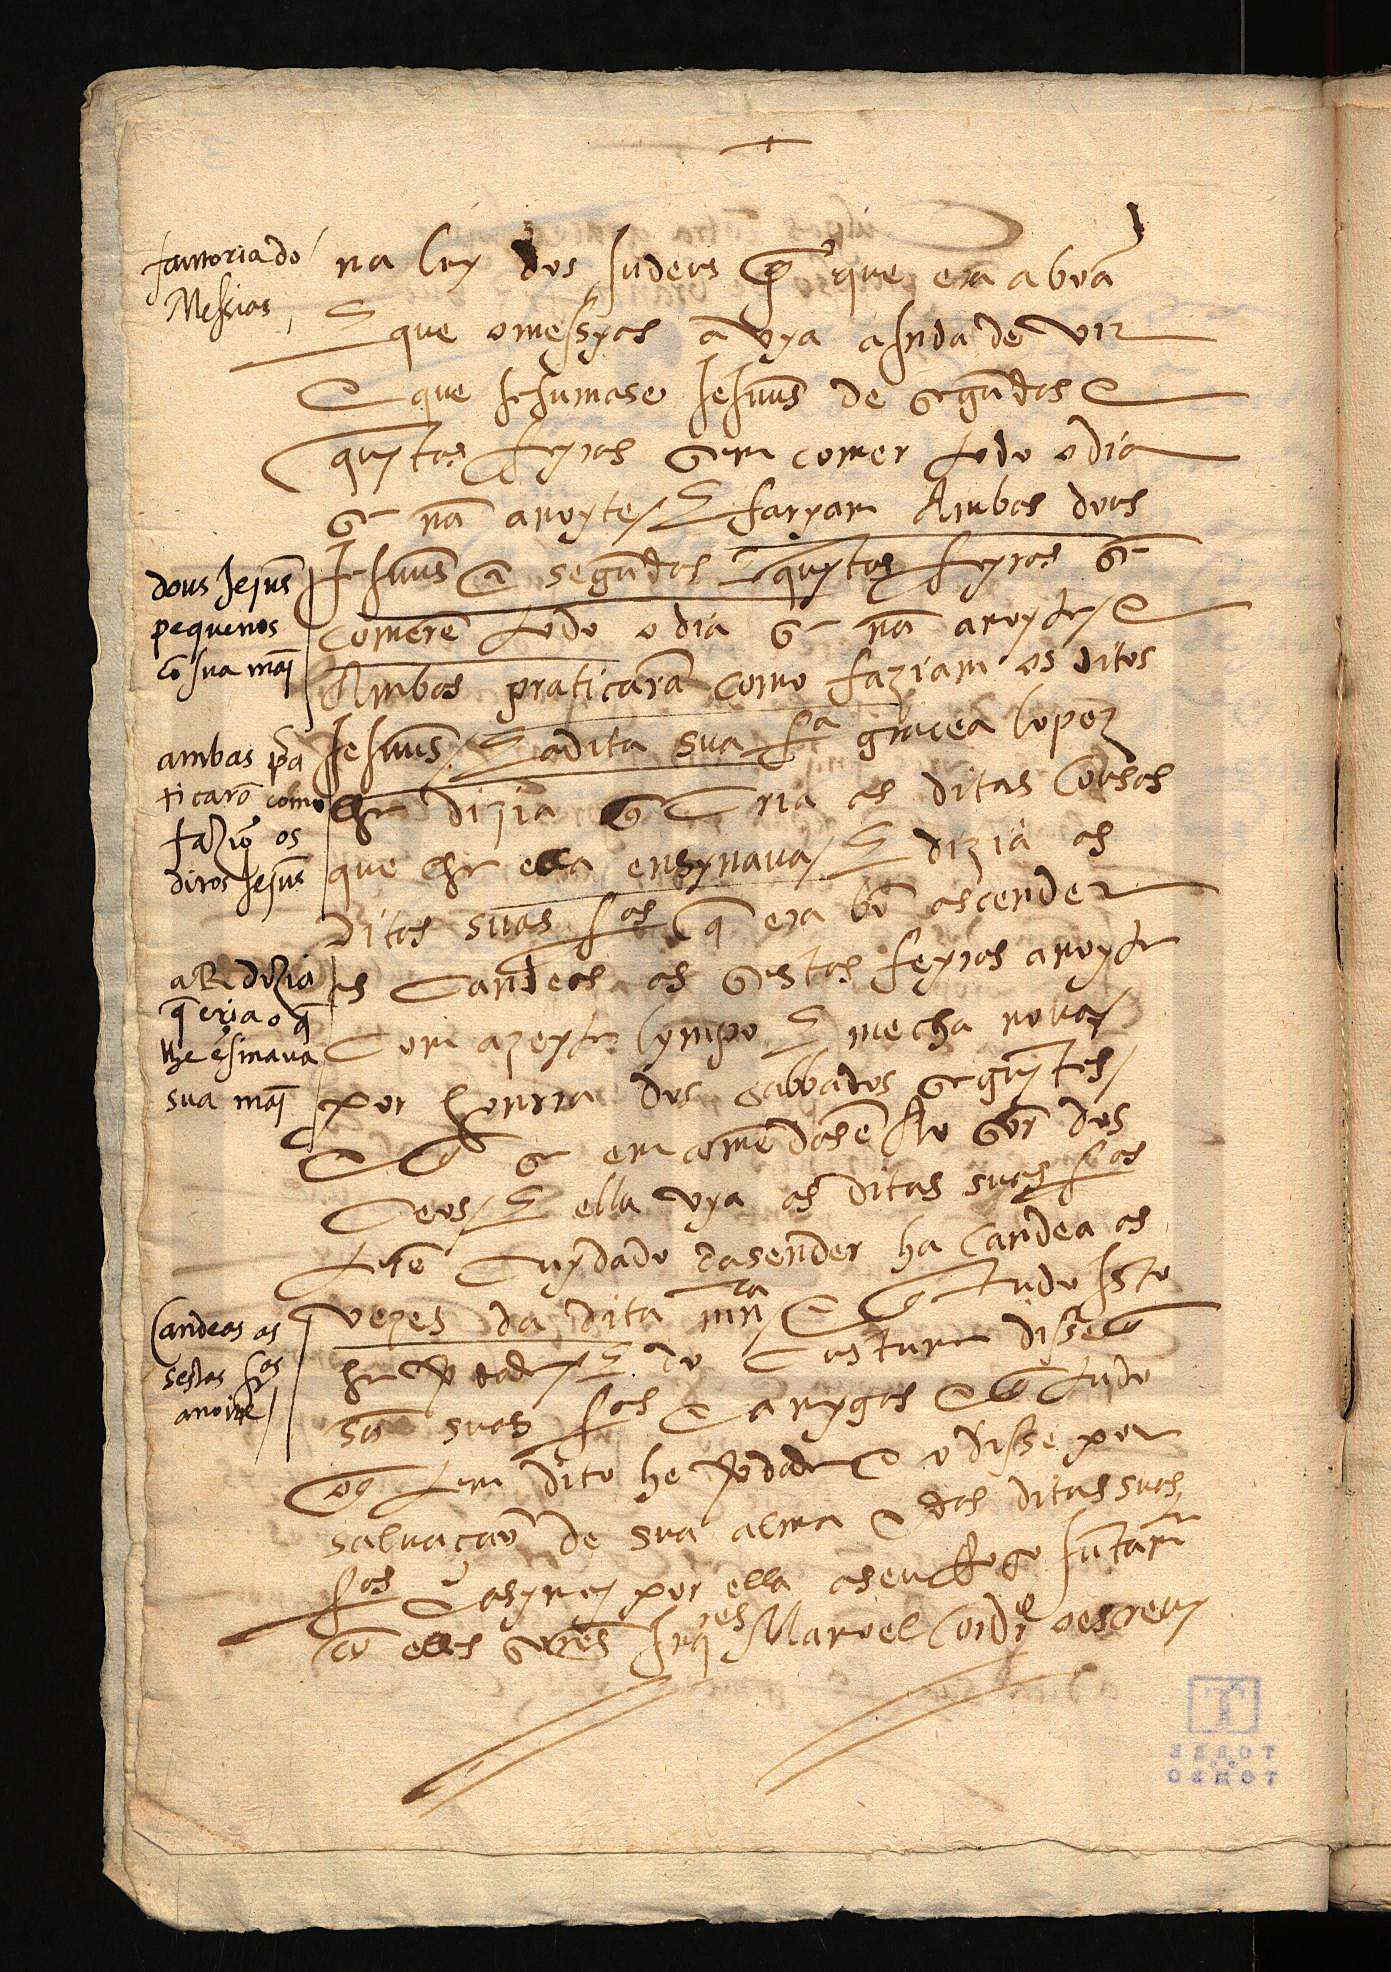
fautoria do
na ley dos Judeus p̄oque era a boā
Messias
E que o messyas avya aJnda de vir
e que JeJumase JeJūus de segūdas e
quj̄tas feyras sem comer todo o dia
sen̄a a noyte / E faryam Ambas dous
JeJuūs ē segūdas E quȳtas feyras sē
dous Jejūs
comerē todo o dia sen̄a a noyte / e
pequenos
cō sua māj
Ambos praticarā como faziam os ditos
JeJūus E a dita sua fa gracea lopez
ambas p̄a
ficarō como
lhe dizia q̄ Cria as ditas cousas
faziō os
que lhe ella ensynaua / E dizia as
ditos Jejūs
ditas suas fas q̄ era bō ascender
as candeas as sestas feyras a noyte
a R. dizia
q̄ cria o q̄
com azeyte lympo E mecha noua /
lhe ēsinaua
por honrra dos sabbados seguj̄tes /
sua maj
e q̄ se emcomēdasē Ao sōr dos
Ceos / E ella vya as ditas suas fas
terē cuydado dasender ha candea as
vezes da dita mnra / e q̄ tudo Jsto
Candeas as
he ꝟdade / E do Custume disse q̄
sestas fras
sā suas fas e amygas e q̄ tudo
a noite /
o q̄ tem dito he ꝟdade e o disse por
saluação de sua alma e das ditas suas
fas e asyney por ella a seu Rogo Jūtamte
cō elles sor̄es Jnqres Manoel Cordro o escreuj
